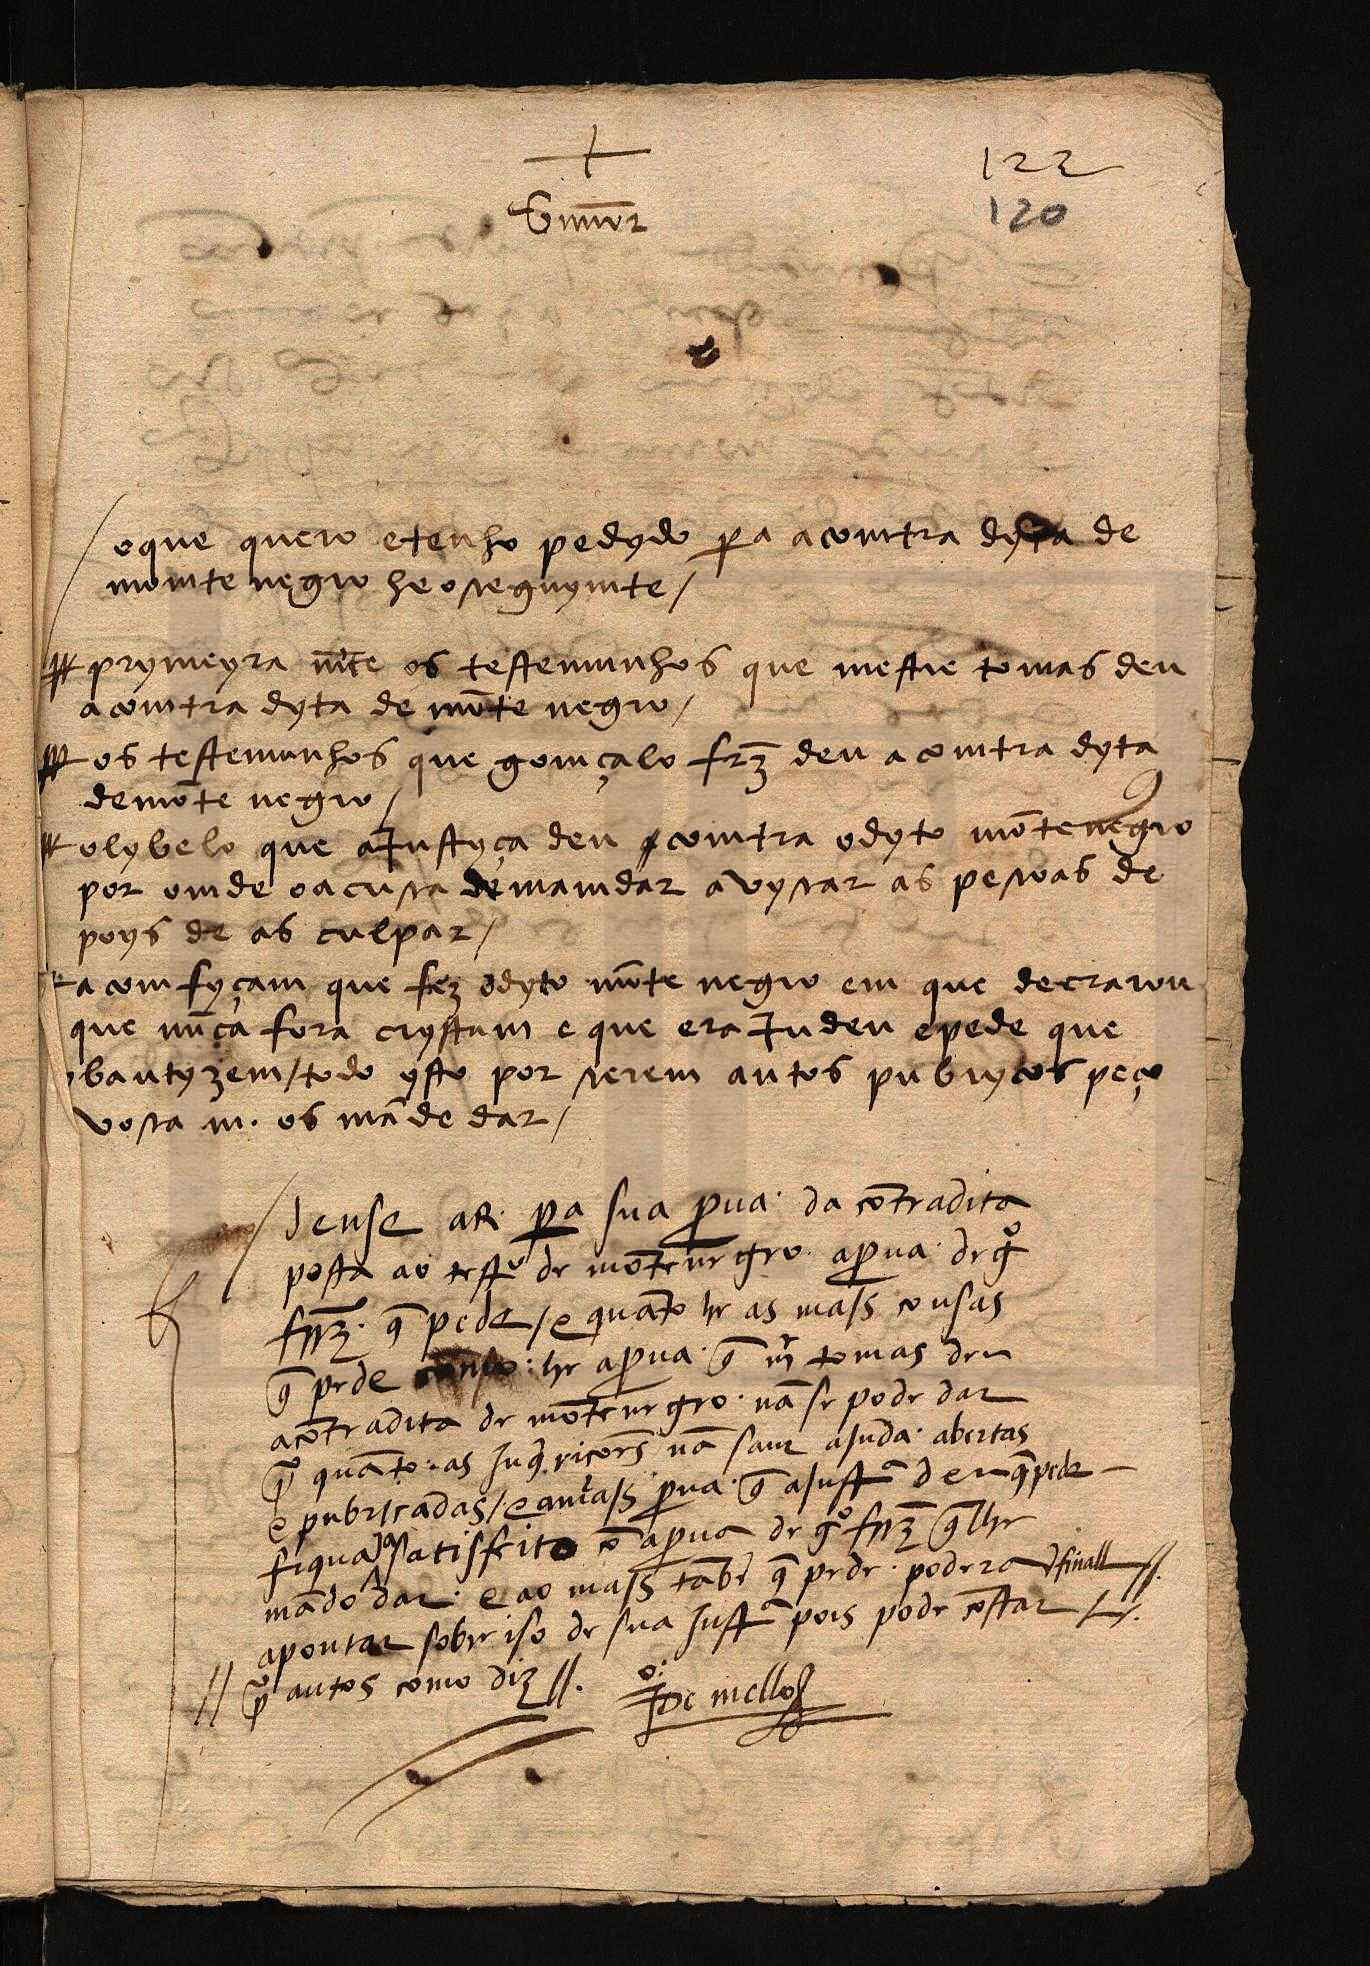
122
Snn̄or
o que quero e tenho pedydo ꝑa a comtradyta de
momtenegro he o seguymte /
item prymeyramte os testemunhos que mestre tomas deu
a comtradyta de mōtenegro /
item os testemunhos que gomçalo frz̄ deu a comtradyta
de mōtenegro /
item o lybelo que a Justyça deu a comtra o dyto mōtenegro
por omde o acusa de mamdar avysar as pesoas de
poys de as culpar /
a comfyçam que fez o dyto mōtenegro em que decrarou
que nūca fora crystam e que era Judeu e pede que
o bautyzem / todo ysto por serem autos pubrycos peço
vossa m. os māde dar /
dense a R. ꝑa sua ꝓua da cōtradita
posta ao testo de mōtenegro. a ꝓua de go
frr̄z. q̄ pede / e quāto he as maJs cousas
q̄ pede canto: he a ꝓua. q̄ me tomas deu
a cōtradita de mōtenegro. nā se pode dar
p̄oquāto as Jnq̄rições nā sam aJnda abertas
e pubrjcadas / e a maJs ꝓua. q̄ a Justa deu q̄ pede
fiqua Ja satisfeito c̄o a ꝓua de go frrz̄ q̄ lhe
mādo dar e ao majs tābē q̄ pede. podera ē finall
apontar sobre iso de sua Justa pois pode cōstar //.
p̄o autos como diz //.
Jo de mello
